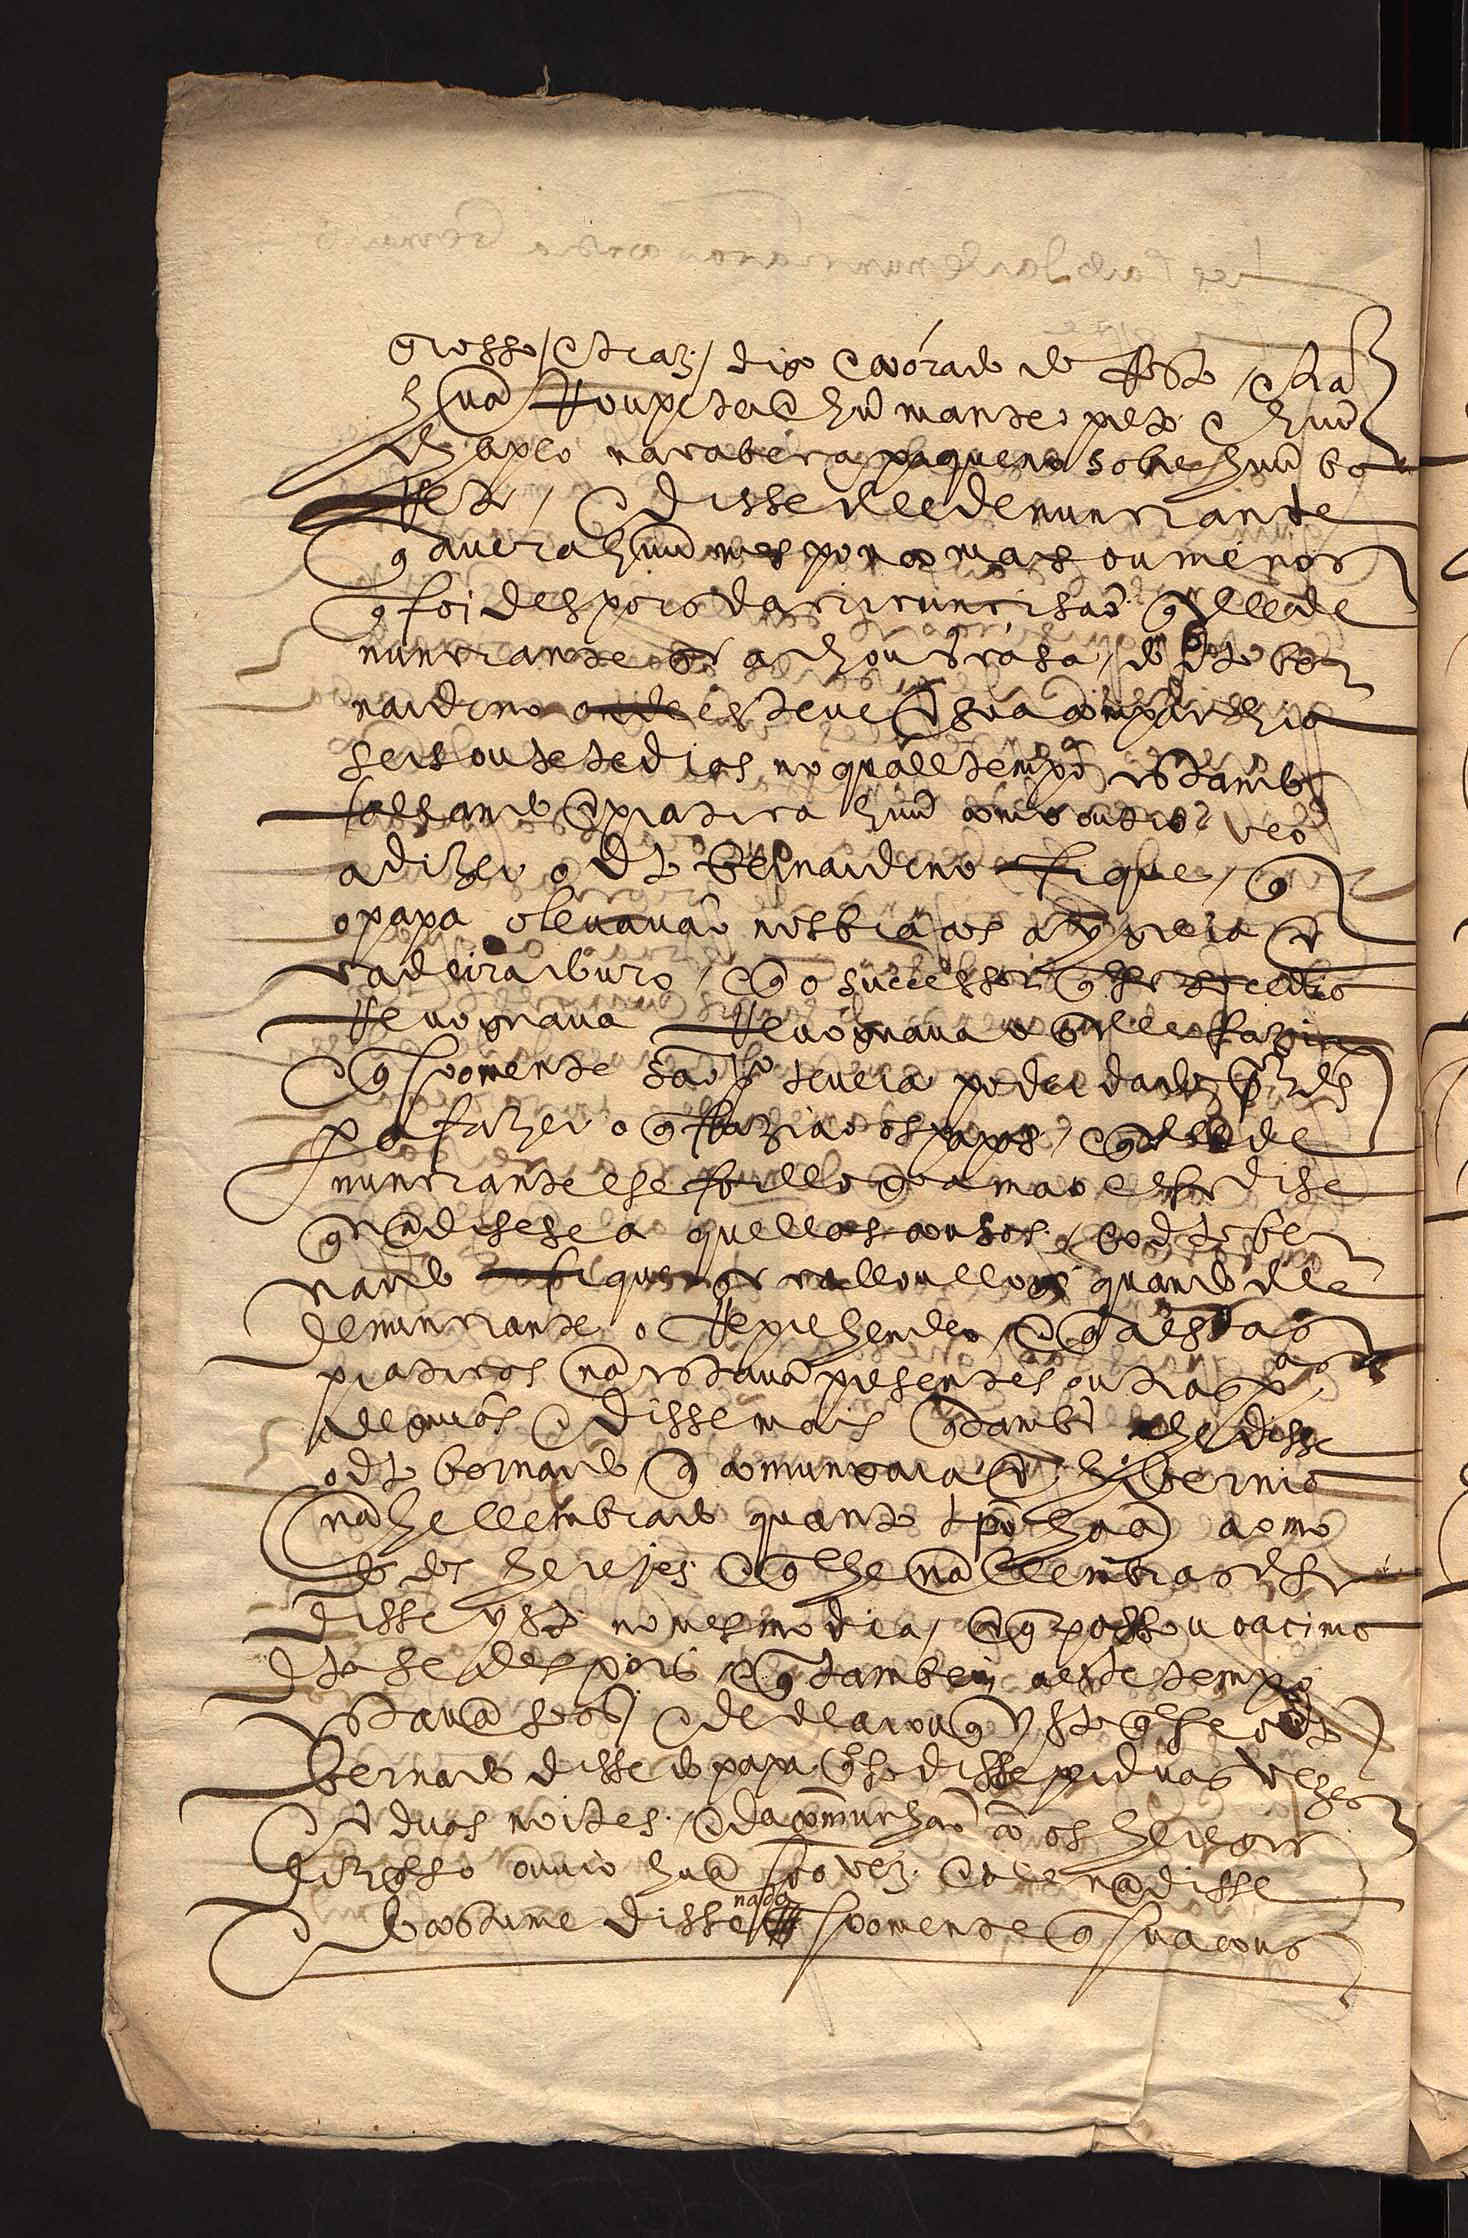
grosso / e traz / digo e coorado do Rosto / e traz
hūa Roupeta e hū manteo preto e huū
chapeo na cabeça piqueno sobre huū ba
Rete / e disse elle denunciante
q̄ auera huū mes pouco mais ou menos
q̄ foj despois da circuncisaõ q̄ elle de
nunciante se achou ē casa / do dito ber
nardino onde esteue ē sua companhia
seis ou sete dias no quall tempo estando
fallando ē pratica huū com o outro veo
a dizer o dito bernardino fique / q̄
o papa o leuauaõ nos braços a Ygreia ē
cadeira douro / e q̄ o successor q̄ lhe socedeo
Reuoguaua Reuoguaua o q̄ elle fazia
e q̄ soomente são po teuera poder dado por ds̄
ꝑa fazer o q̄ faziao os papas / e q̄ elle de
nunciante lhe foi llogo a mao e lhe dise
q̄ nā disese aquellas cousas / e o dito ber
nardo fique se callou llogo quando elle
denunciante o Reprehendeo / e q̄ a estas
praticas nā estauā presentes outras pas
allguuās e disse mais q̄ tambē lhe disse
o dito bernado q̄ comungara ē hibernia
(nā he llembrado quanto tpō haa) ao mo
do dos herejes e q̄ lhe nā llembra se lhe
disse ysto no mesmo dia / ē q̄ passou o acima
dito se despois / e q̄ tambem a este tempo
estauā soos / e declarou q̄ ysto q̄ lhe o dto
bernardo disse do papa q̄ lhe disse per duas vezes
e ē duas noites / e da cōmunhaõ c̄o os hereges
diz q̄ lho ouuio huā soo vez. e all nā disse
e do costume disse
nada
soomente q̄ sua cons
